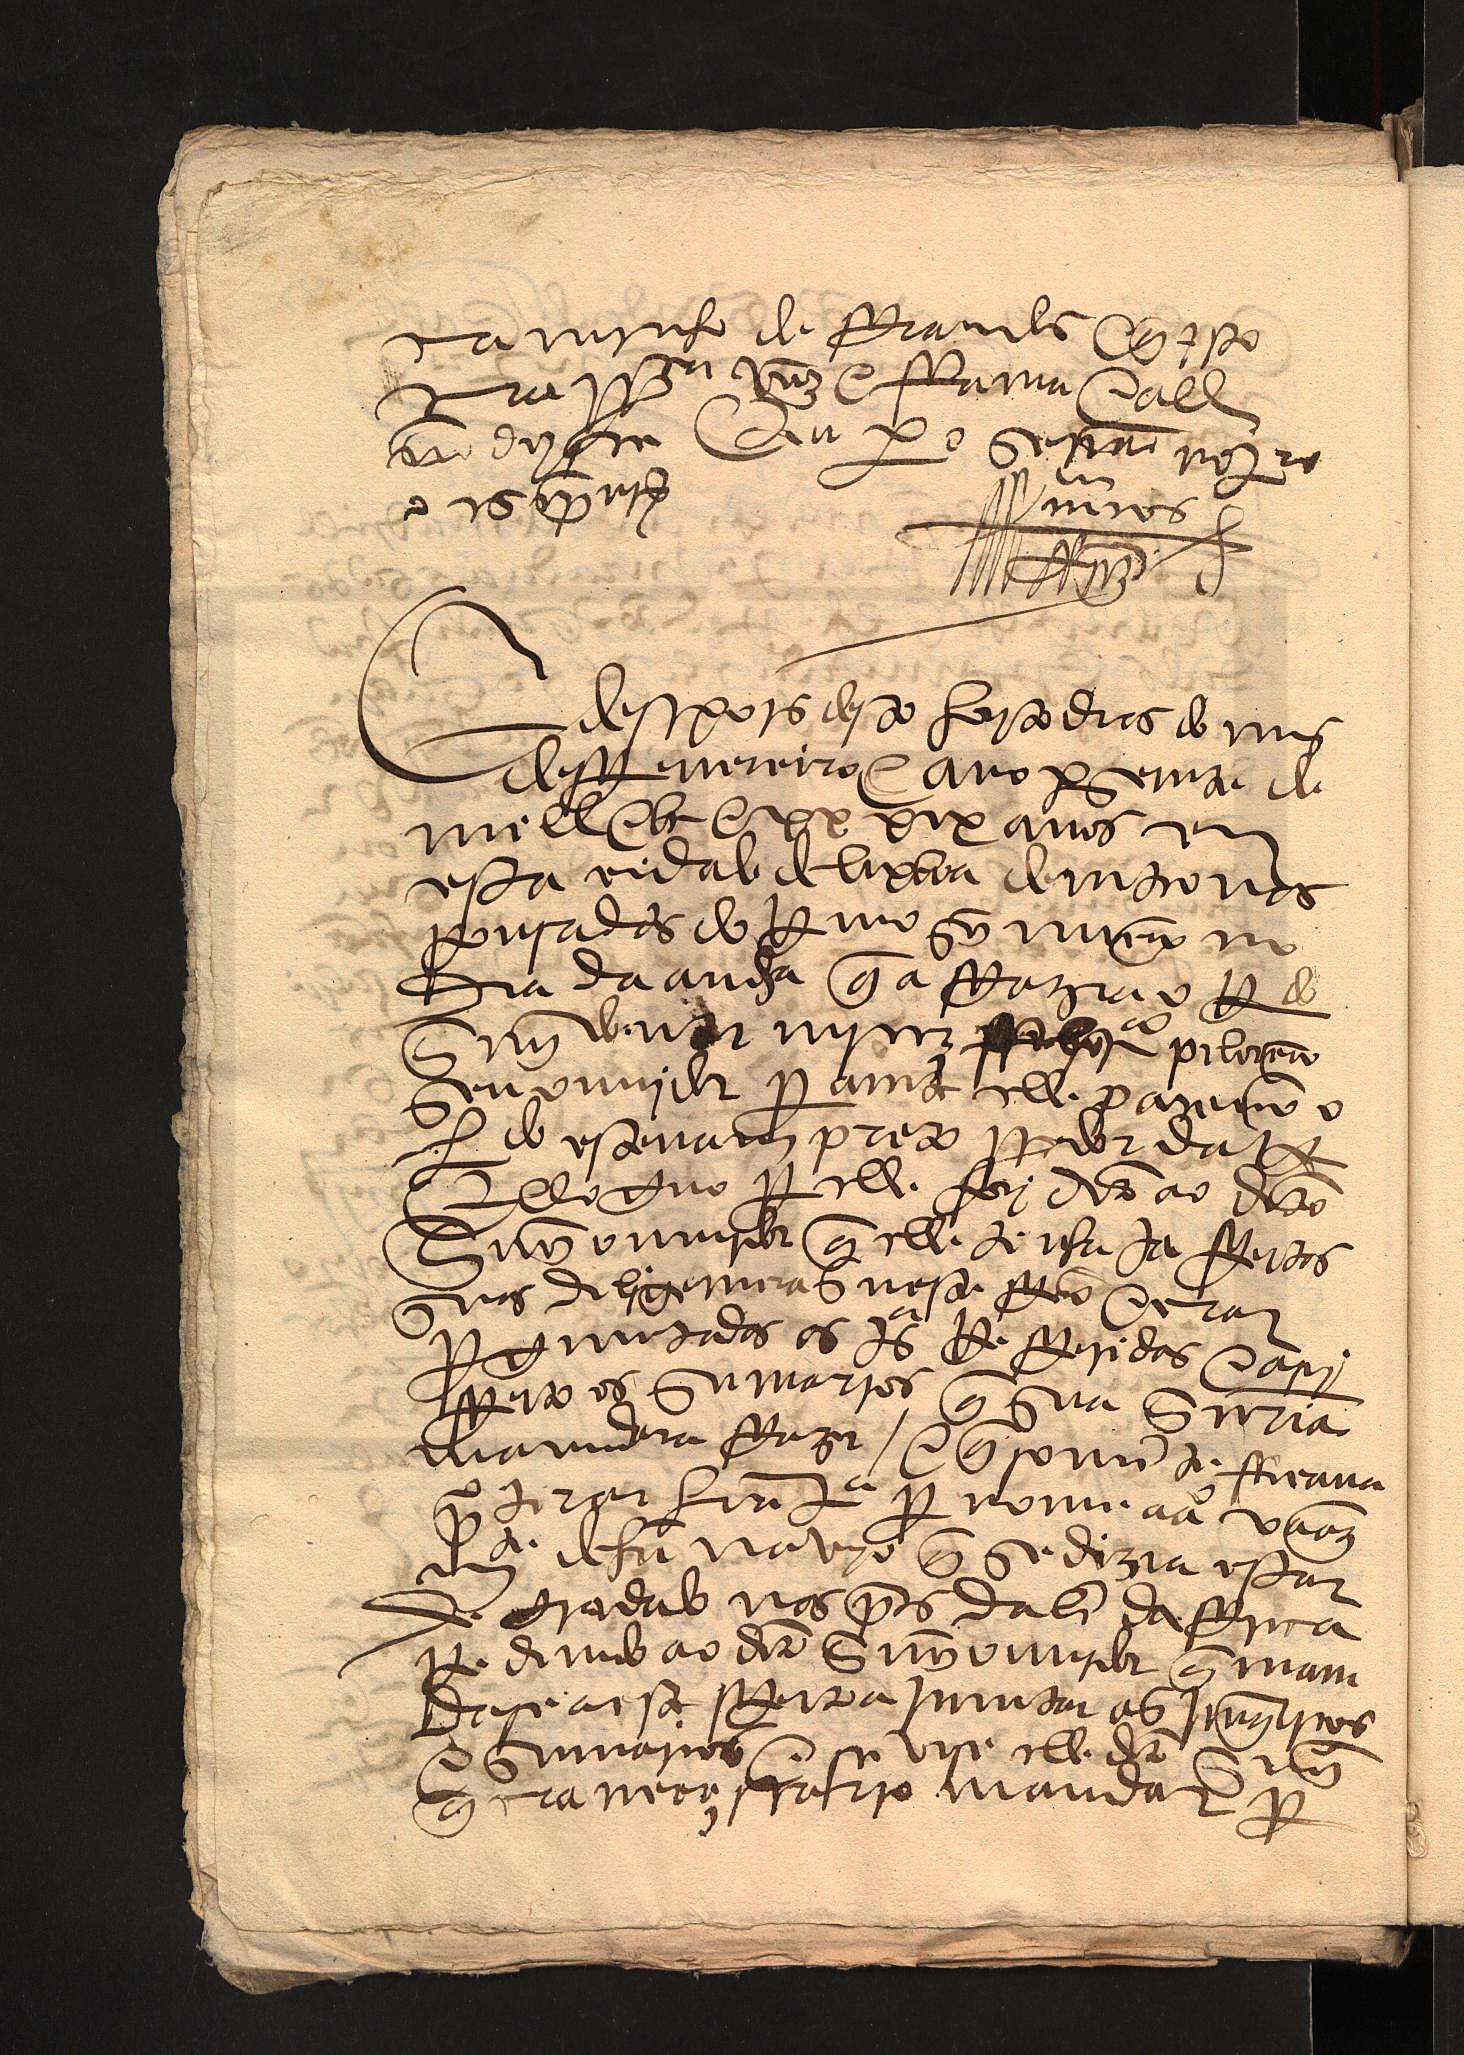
camjnho de frandes e q̄ jsto
era ꝓpca voz e fama e all
nō dyse E eu ꝑo serrão notro
o escp̄uj
m̄cos
ffr̄rz
E despojs desto hoyto dias do mes
de feuereiro e ano ꝑsemte de
mill e bc e xxxix anos em
esta cidade de lixboa demtro nas
pousadas do Rmo sōr nucio no
dia da audja q̄ a ffazia o Rdo
Snor̄ doutor mjcer ffrrco pilorcio
seu ouujdor ꝑamte elle pareceo o
Ldo esteuam preto ꝓdor da Re
E lloguo ꝑ elle foy dito ao dito
Snōr ouuydor q̄ elle tinha ja feitas
suas deljgemcias neste ftō e eram
ꝑguntadas as tsa Referidas e asy
feito os sumarjos q̄ sua Snr̄ia
mandara fazer / e q̄ somēte ficaua
p̄o tirar huā ta ꝑ nome aao vāaz
mte de hū navyo q̄ se dizia estar
degradado nas p̄tes dalē dafrica
pedimdo ao dito Snōr ouujdor q̄ mam
dase a este feito aJumtar as Jmq̄rjçoes
e sumarios e se vise elle dito Snōr
q̄ era necessarjo mandar ꝑ
